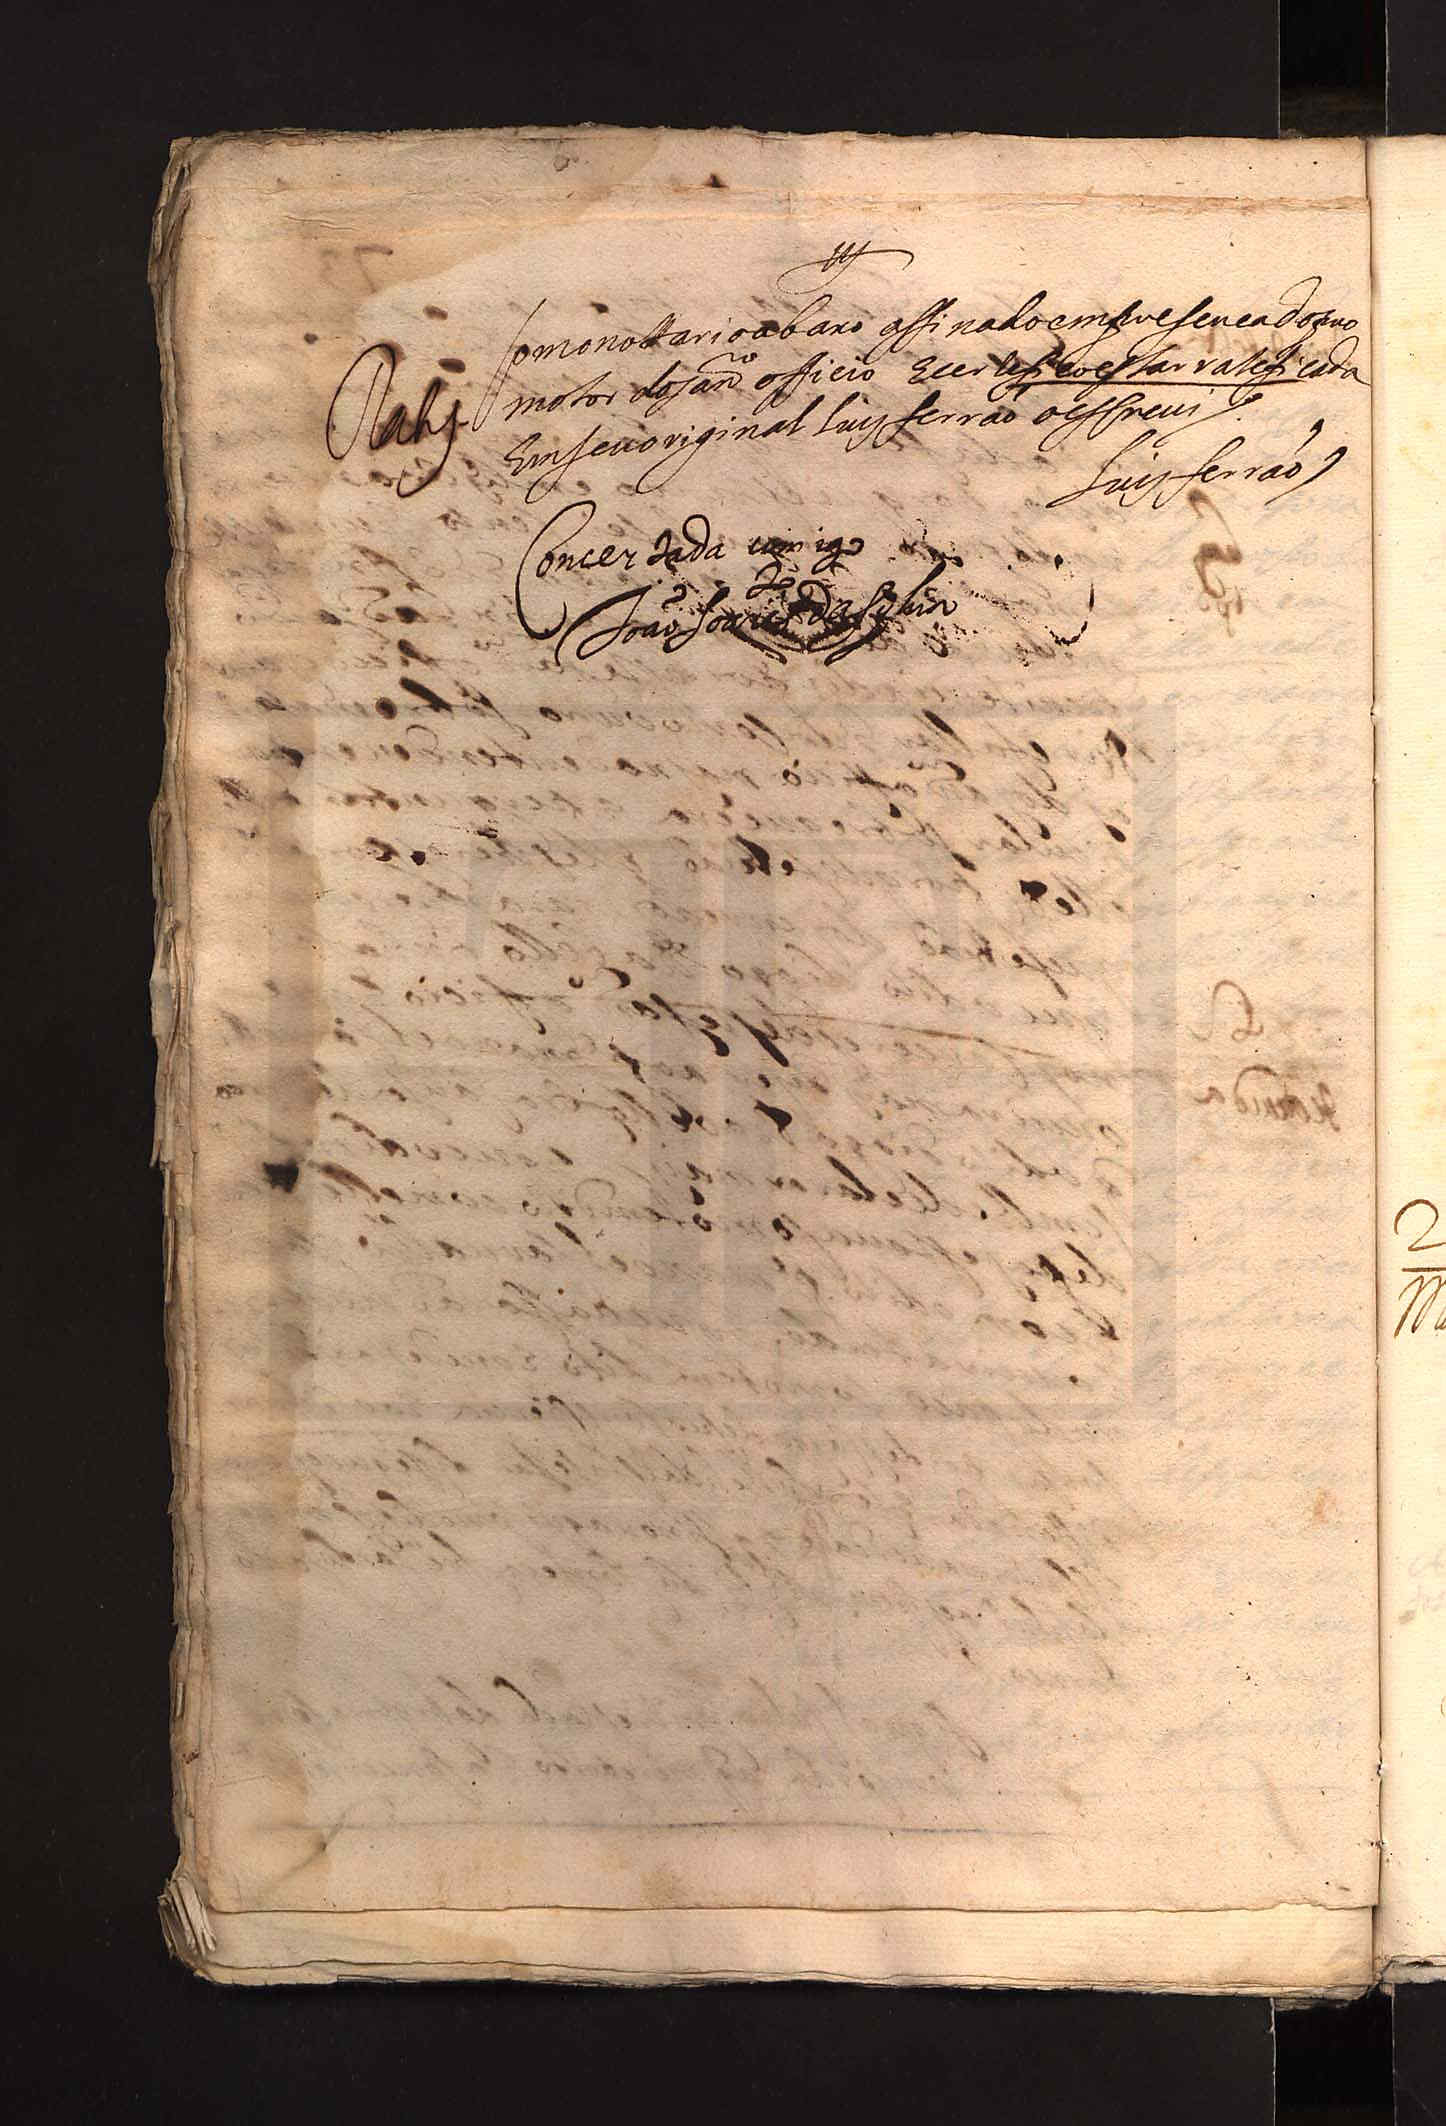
Ratis.
Com o nottario abaxo assinado em presença do pro
motor do santo officio E certefico estar rateficada
Em seu original luis ferraõ o esCreui/.
Luis ferraõ
Concertada comigo
Joaõ Soares da Sylua
